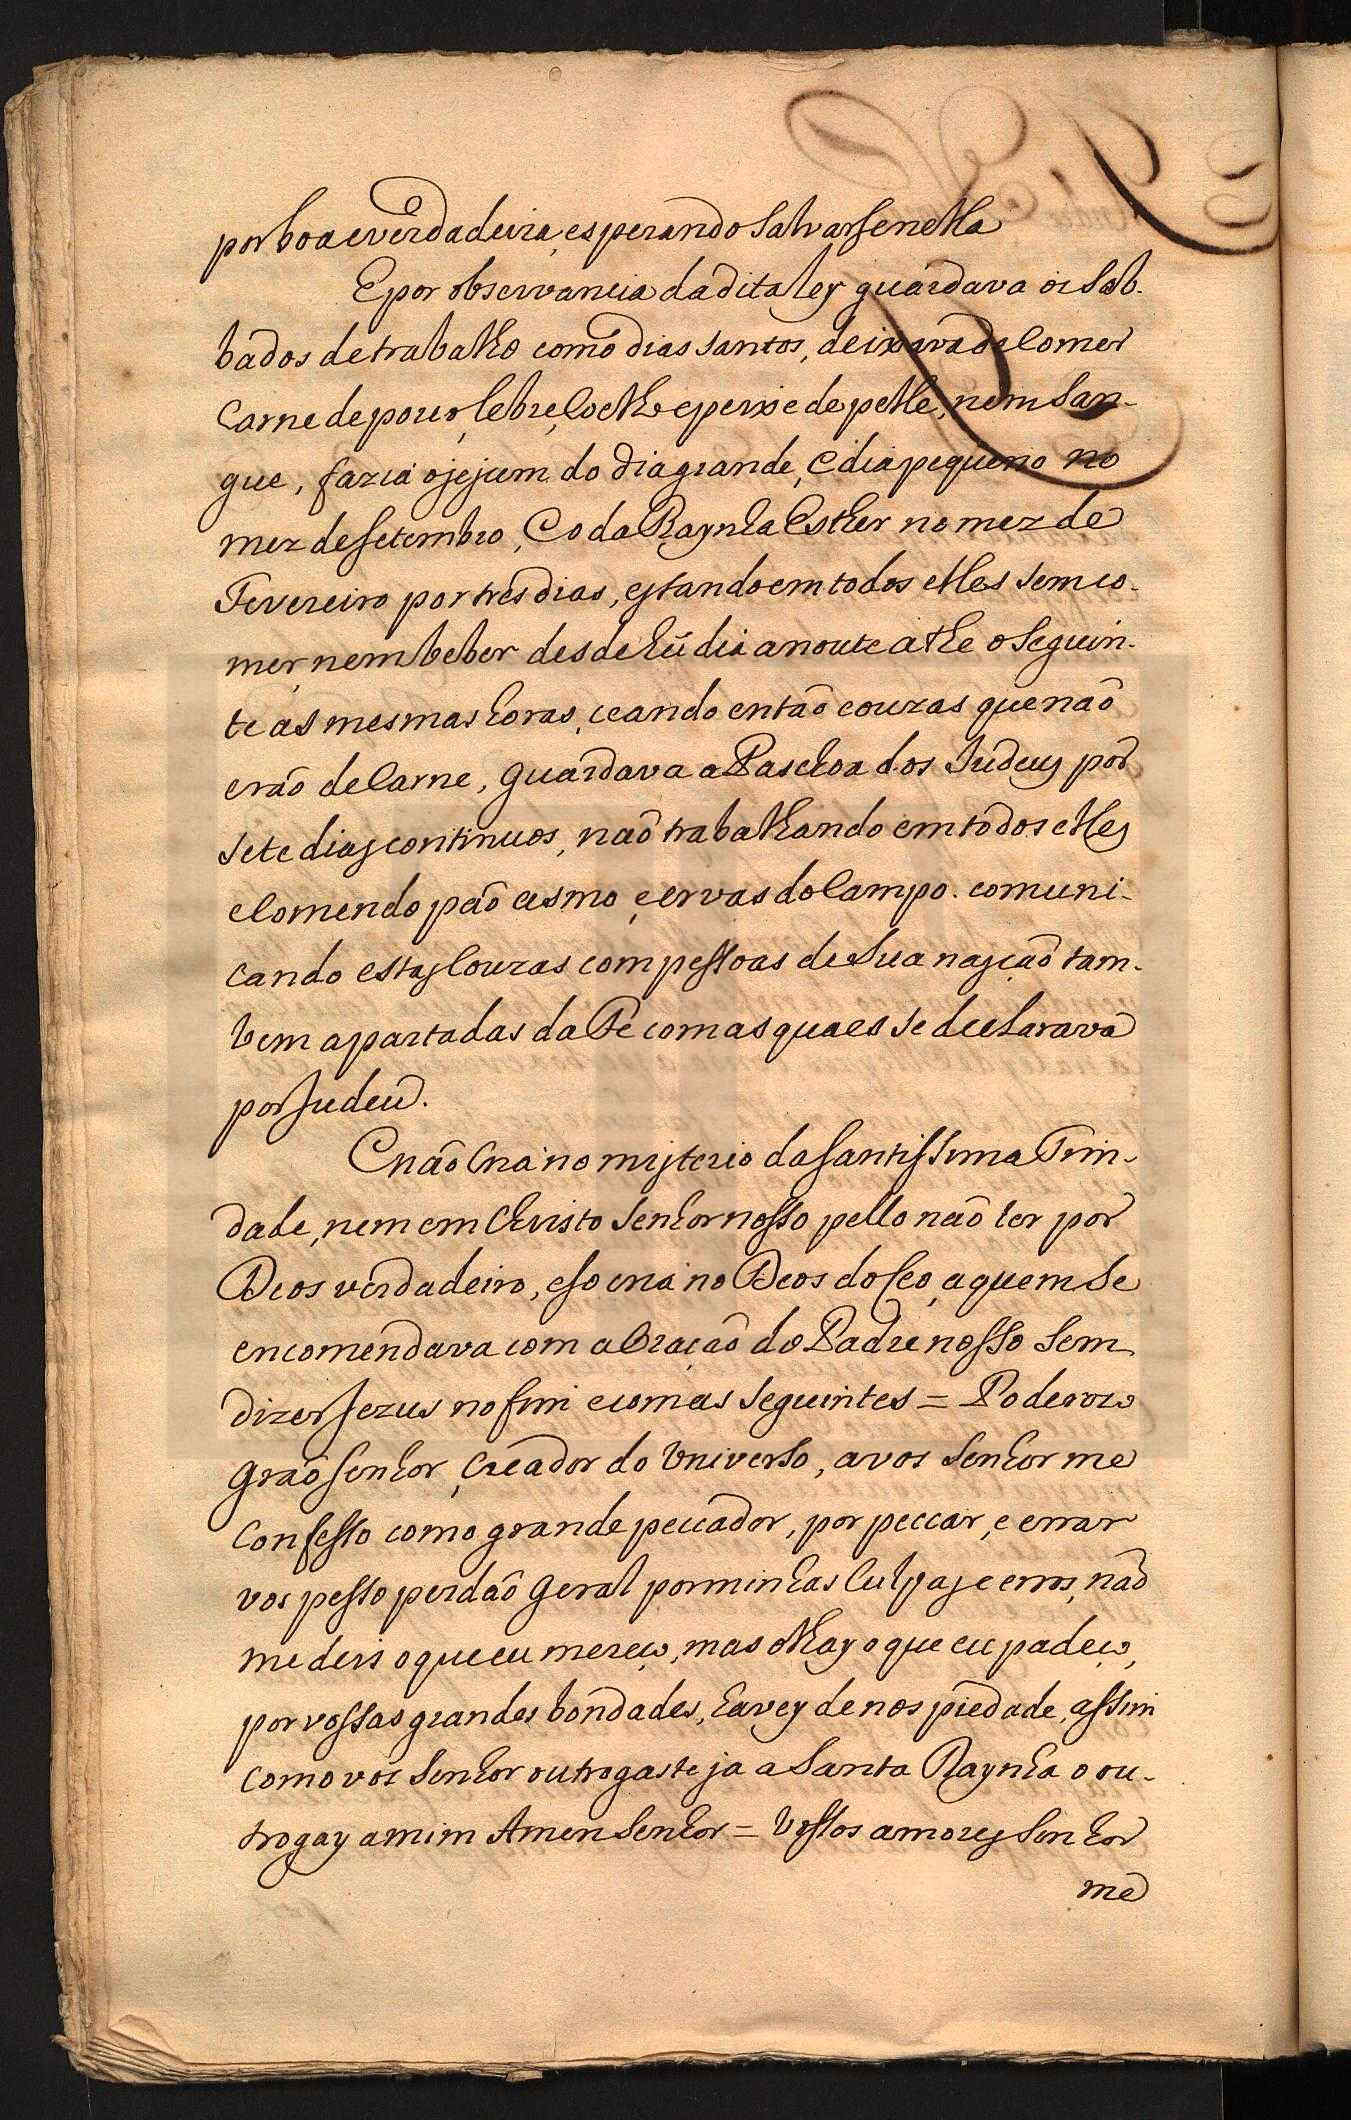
por boa e verdadeira, esperando Salvarse nella
E por observancia da dita Ley guardava os Sab
bados de trabalho como dias santos, deixava de Comer
Carne de porco, lebre, Coelho e peixe de pelle, nem San
gue, fazia o jejum do dia grande, e dia pequeno no
mez de setembro, E o da Raynha Esther no mez de
Fevereiro por tres dias, estando em todos elles sem co
mer, nem beber desde hú dia a noute athe o seguin
te as mesmas horas, ceando entaõ couzas que naõ
eraõ de Carne, guardava a Paschoa dos Iudeus por
sete dias continuos, naõ trabalhando em todos elles
e Comendo paõ asmo, e ervas do Campo comuni
cando estas Couzas com pessoas de Sua nasção tam
bem apartadas da Fe com as quaes se declarava
por Judeu.
E naõ Cria no misterio da santissima Trin
dade, nem em Christo senhor nosso pello naõ ter por
Deos verdadeiro, e so cria no Deos do Ceo, a quem Se
encomendava com a Oração do Padre nosso Sem
dizer Jezus no fim e com as seguintes= Poderozo
graõ senhor, creador do vniverso, a vos senhor me
Confesso como grande peccador, por peccar, e errar
vos pesso perdaõ geral por minhas Culpas e erros, naõ
me deis o que eu mereço, mas olhay o que eu padeço,
por vossas grandes bondades, havey de nos piedade, assim
como voz Senhor outrogaste ja a Santa Raynha o ou
trogay a mim Amen Senhor= Vossos amores Senhor
me
